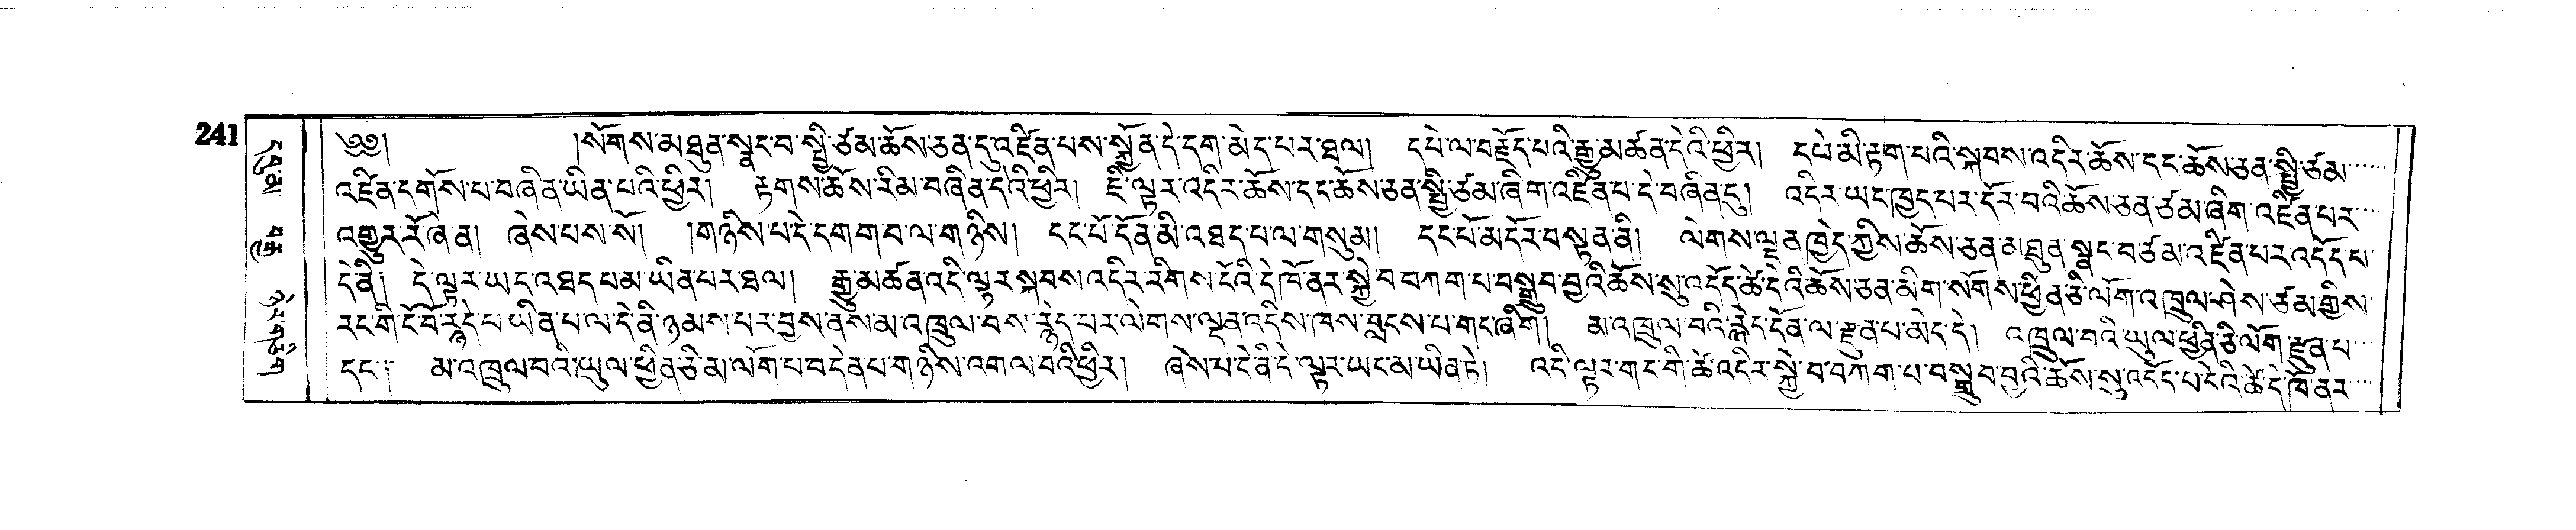༄༅། །སོགས་མཐུན་སྣང་བ་སྤྱི་ཙམ་ཆོས་ཅན་དུ་འཛིན་པས་སྐྱོན་དེ་དག་མེད་པར་ཐལ། དཔེ་ལ་བརྗོད་པའི་རྒྱུ་མཚན་དེའི་ཕྱིར། དཔེ་མི་རྟག་པའི་སྐབས་འདིར་ཆོས་དང་ཆོས་ཅན་སྤྱི་ཙམ་
འཛིན་དགོས་པ་བཞིན་ཡིན་པའི་ཕྱིར། རྟགས་ཆོས་རིམ་བཞིན་དེའི་ཕྱིར། ཇི་ལྟར་འདིར་ཆོས་དང་ཆོས་ཅན་སྤྱི་ཙམ་ཞིག་འཛིན་པ་དེ་བཞིན་དུ། འདིར་ཡང་ཁྱད་པར་དོར་བའི་ཆོས་ཅན་ཙམ་ཞིག་འཛིན་པར་
འགྱུར་རོ་ཞེ་ན། ཞེས་པས་སོ། །གཉིས་པ་དེ་དགག་བ་ལ་གཉིས། དང་པོ་དོན་མི་འཐད་པ་ལ་གསུམ། དང་པོ་མདོར་བསྟན་ནི། ལེགས་ལྡན་ཁྱེད་ཀྱིས་ཆོས་ཅན་མཐུན་སྣང་བ་ཙམ་འཛིན་པར་འདོད་པ་
དེ་ནི། དེ་ལྟར་ཡང་འཐད་པ་མ་ཡིན་པར་ཐལ། རྒྱུ་མཚན་འདི་ལྟར་སྐབས་འདིར་རིགས་ངོའི་དེ་ཁོ་ནར་སྐྱེ་བ་བཀག་པ་བསྒྲུབ་བྱའི་ཆོས་སུ་འདོད་ཚེ་དེའི་ཆོས་ཅན་མིག་སོགས་ཕྱིན་ཅི་ལོག་འཁྲུལ་ཤེས་ཙམ་གྱིས་
རང་གི་ངོ་བོ་རྙེད་པ་ཡིན་པ་ལ་དེ་ནི་ཉམས་པར་བྱས་ནས་མ་འཁྲུལ་བས་རྙེད་པར་ལེགས་ལྡན་འདིས་ཁས་བླངས་པ་གང་ཞིག། མ་འཁྲུལ་བའི་རྙེད་དོན་ལ་རྫུན་པ་མེད་དེ། འཁྲུལ་བའི་ཡུལ་ཕྱིན་ཅི་ལོག་རྫུན་པ་
དང་། མ་འཁྲུལ་བའི་ཡུལ་ཕྱིན་ཅི་མ་ལོག་པ་བདེན་པ་གཉིས་འགལ་བའི་ཕྱིར། ཞེས་པ་དེ་ནི་དེ་ལྟར་ཡང་མ་ཡིན་ཏེ། འདི་ལྟར་གང་གི་ཚེ་འདིར་སྐྱེ་བ་བཀག་པ་བསྒྲུབ་བྱའི་ཆོས་སུ་འདོད་པ་དེའི་ཚེ་དེ་ཁོ་ནར་